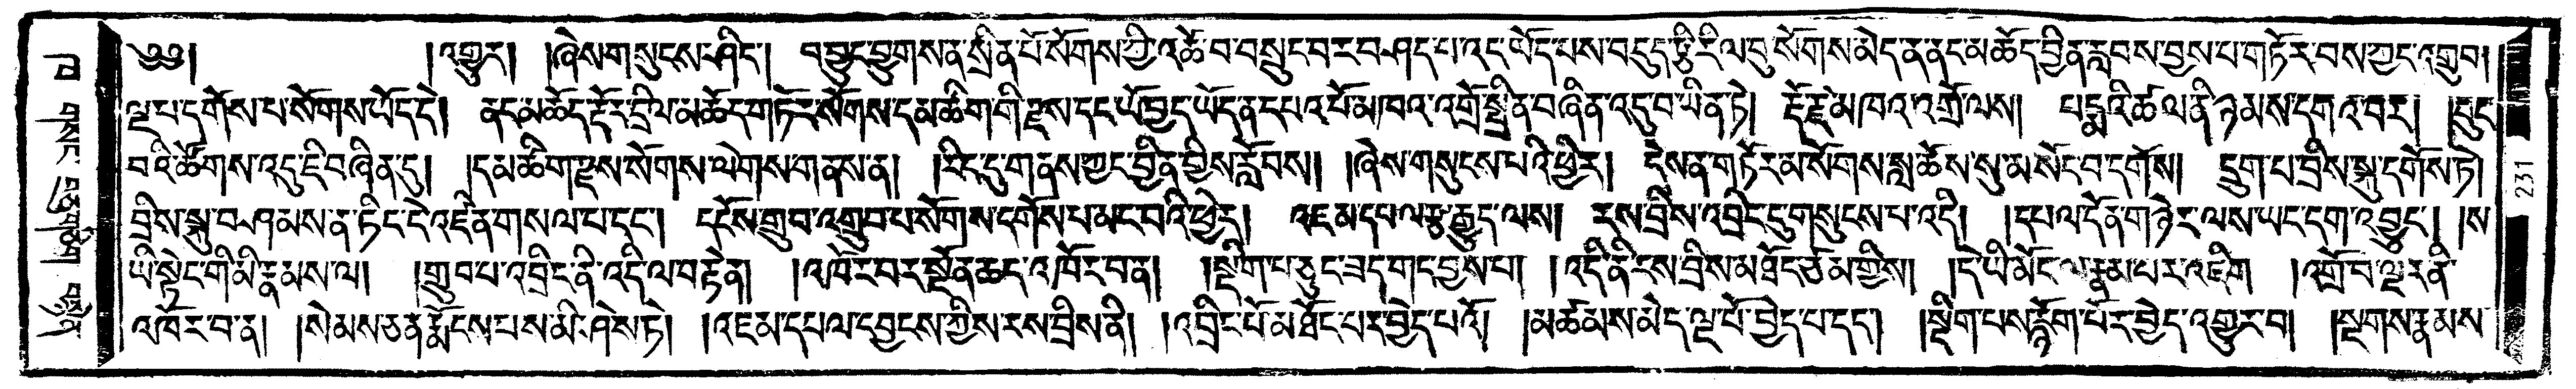༄༅། །འགྱུར། །ཞེས་གསུངས་ཤིང་། འབྱུང་བྱུགས་ན་སྲིན་པོ་སོགས་ཀྱི་འཚེ་བ་བསྲུང་བར་བཤད་པ་འང་ཡོད་པས་བདུད་རྩི་རིལ་བུ་སོགས་མེད་ན་ནང་མཆོད་བྱིན་རླབས་བྱས་པ་གཏོར་བས་ཀྱང་འགྲུབ།
ལྔ་པ་དགོས་པ་སོགས་ཡོད་དེ། ནང་མཆོད་རྡོར་དྲིལ་མཆོད་གཏོར་སོགས་དམ་ཚིག་གི་རྫས་དང་ཡོ་བྱད་ཡོད་ན་དཔའ་བོ་མཁའ་འགྲོ་སྤྲིན་བཞིན་འདུ་བ་ཡིན་ཏེ། རྡོ་རྗེ་མཁའ་འགྲོ་ལས། པདམའི་ཚལ་ནི་ཉམས་དགའ་བར། །བུང་
བའི་ཚོགས་འདུ་ཇི་བཞིན་དུ། །དམ་ཚིག་རྫས་སོགས་ལེགས་གནས་ན། །རིང་དུ་གནས་ཀྱང་བྱིན་གྱིས་རློབས། །ཞེས་གསུངས་པའི་ཕྱིར། དེས་ན་གཏོར་མ་སོགས་སླ་ཆོས་སུ་མ་སོང་བ་དགོས། དྲུག་པ་བྲིས་སྐུ་དགོས་ཏེ།
བྲིས་སྐུ་བཤམས་ན་ཏིང་ངེ་འཛིན་གསལ་པ་དང་། དངོས་གྲུབ་འགྲུབ་པ་སོགས་དགོས་པ་མང་བའི་ཕྱིར། འཇམ་དཔལ་རྩ་རྒྱུད་ལས། རས་བྲིས་འབྲིང་དུ་གསུངས་པ་འདི། །དཔལ་དོན་གཉེར་ལས་ཡང་དག་འབྱུང་། །ས་
ཡི་སྟེང་གི་མི་རྣམས་ལ། །གྲུབ་པ་འབྲིང་ནི་འདི་ལ་བརྟེན། །འཁོར་བར་སྔོན་ཆད་འཁོར་བ་ན། །སྡིག་པ་ཅུང་ཟད་གང་བྱས་པ། །འདི་ནི་རས་བྲིས་མཐོང་ཙམ་གྱིས། །དེ་ཡི་མོད་ལ་རྣམ་པར་འཇིག །འགྲོ་བ་ལྔར་ནི་
འཁོར་བ་ན། །སེམས་ཅན་རྨོངས་པས་མི་ཤེས་ཏེ། །འཇམ་དཔལ་དབྱངས་ཀྱིས་རས་བྲིས་ནི། །འབྲིང་པོ་མཐོང་པར་བྱེད་པའོ། །མཚམས་མེད་ལྔ་པོ་བྱེད་པ་དང་། །སྡིག་པས་རྙོག་པོར་བྱེད་འགྱུར་བ། །སྔགས་རྣམས་